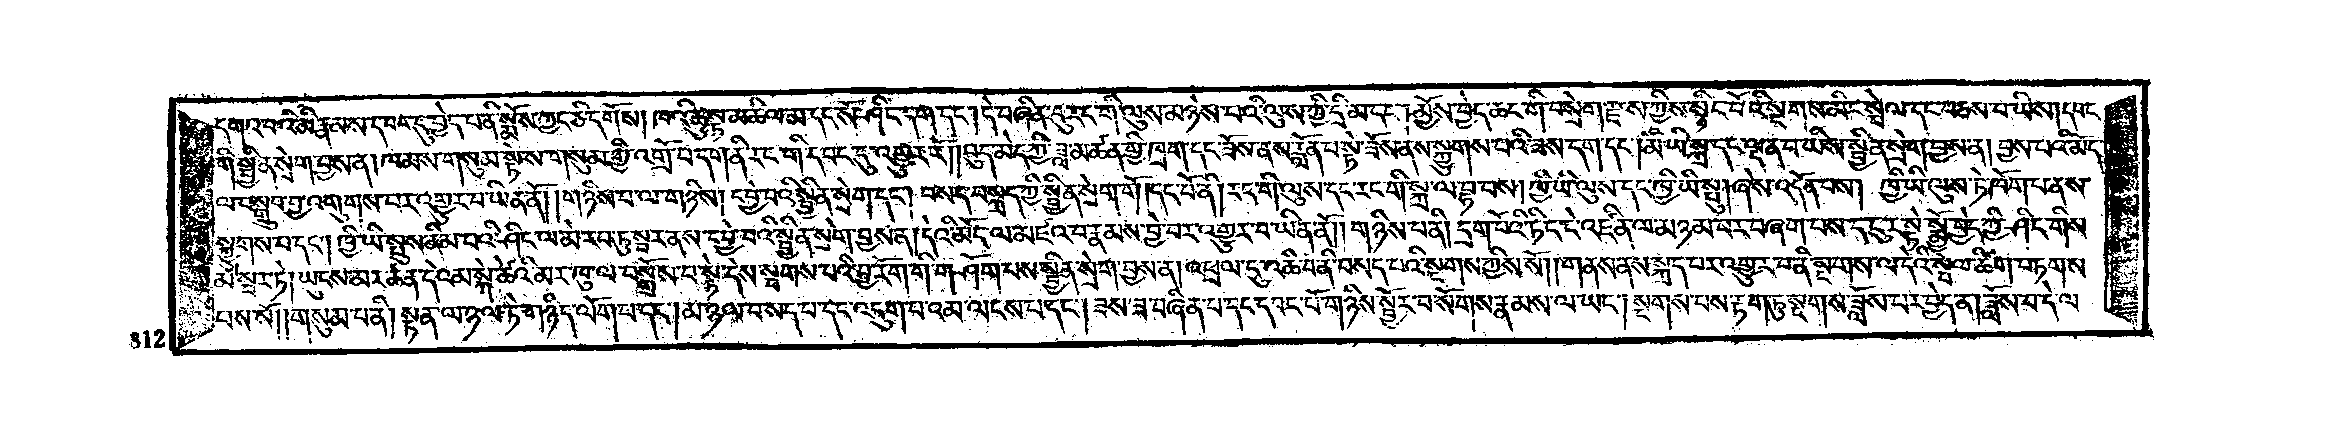དགའ་བའི་མི་རྣམས་དབང་དུ་བྱེད་པ་ནི་སེམས་ཀྱང་ཅི་དགོས། ཁའི་ཆུ་སྟེ་མཆིལ་མ་དང་སོ་ཤིང་དག་དང་། དེ་བཞིན་དུ་རང་གི་ལུས་མཉེས་པའི་ལུས་ཀྱི་དྲི་མ་དང་། མྱོས་བྱེད་ཆང་གི་བསྲེག་རྫས་ཀྱིས་སྙིང་པོའི་སྔགས་མིང་སྤེལ་དང་བཅས་པ་ཡིས། དབང་
གི་སྦྱིན་སྲེག་བྱས་ན། ཁམས་གསུམ་སྟེ་ས་གསུམ་གྱི་འགྲོ་བ་དག་ནི་རང་གི་དབང་དུ་འགྱུར་རོ། །བུད་མེད་ཀྱི་ཟླ་མཚན་གྱི་ཁྲག་དང་ཟོས་ནས་རློན་པ་སྟེ་ཟོས་ནས་སྐྱུགས་པའི་ཟས་དག་དང་། མི་ཡི་སྐྲ་དང་ལྡན་པ་ཡིས་སྦྱིན་སྲེག་བྱས་ན། བྱས་པའི་མེད་
ལ་བསྒྲུབ་བྱ་འགུགས་པར་འགྱུར་བ་ཡིན་ནོ། །གཉིས་པ་ལ་གཉིས། དབྱེ་བའི་སྦྱིན་སྲེག་དང་། བསད་བསྐྲད་ཀྱི་སྦྱིན་སྲེག་གོ །དང་པོ་ནི། རང་གི་ལུས་དང་རང་གི་སྐྲ་ལ་བྷ་བས། ཁྱི་ཡི་ལུས་དང་ཁྱི་ཡི་སྤུ། ཞེས་འདོན་བས། ཁྱི་ཡི་ལུས་ཏེ་ཁོག་པ་ནས་
སྐྱུགས་པ་དང་། ཁྱི་ཡི་སྤུས་ནིམ་པའི་ཤིང་ལ་མེ་རབ་ཏུ་སྦར་ནས་དབྱེ་བའི་སྦྱིན་སྲེག་བྱས་ན། དེའི་མོད་ལ་མཛའ་བ་རྣམས་བྱེ་བར་འགྱུར་བ་ཡིན་ནོ། །གཉིས་པ་ནི། དྲག་པོའི་ཏིང་ངེ་འཛིན་ལ་མཉམ་པར་བཞག་པས་ད་དུ་ར་སྟེ་སྨྱོ་བྱེད་ཀྱི་ཤིང་གིས་
མ་སྦར་ཏེ། ཡུངས་མར་ཚན་དེའམ་སྐེ་ཚེའི་མར་ཁུ་ལ་བསྒྲོས་པ་སྟེ་དེས་སྦགས་པའི་བྱ་རོག་གི་གཤོག་པས་སྦྱིན་སྲེག་བྱས་ན། འཕྲལ་དུ་འཆི་བ་ནི་བསད་པའི་སྔགས་ཀྱིས་སོ། །གནས་ནས་སྐྲད་པར་འགྱུར་བ་ནི་སྔགས་ལ་དེའི་སྤེལ་ཚིག་བཏགས་
པས་སོ། །གསུམ་པ་ནི། སྟན་ལ་ཉལ་ཏེ་གཉིད་ལོག་པ་དང་། མཉལ་བ་སད་པ་དང་འདུག་པ་འམ་ལངས་པ་དང་། ཟས་ཟ་བཞིན་པ་དང་དབང་པོ་གཉིས་སྦྱོར་བ་སོགས་རྣམས་ལ་ཡང་། སྔགས་པས་རྟག་ཏུ་སྔགས་ཟློས་པར་བྱེད་ན། ཟློས་པ་དེ་ལ་